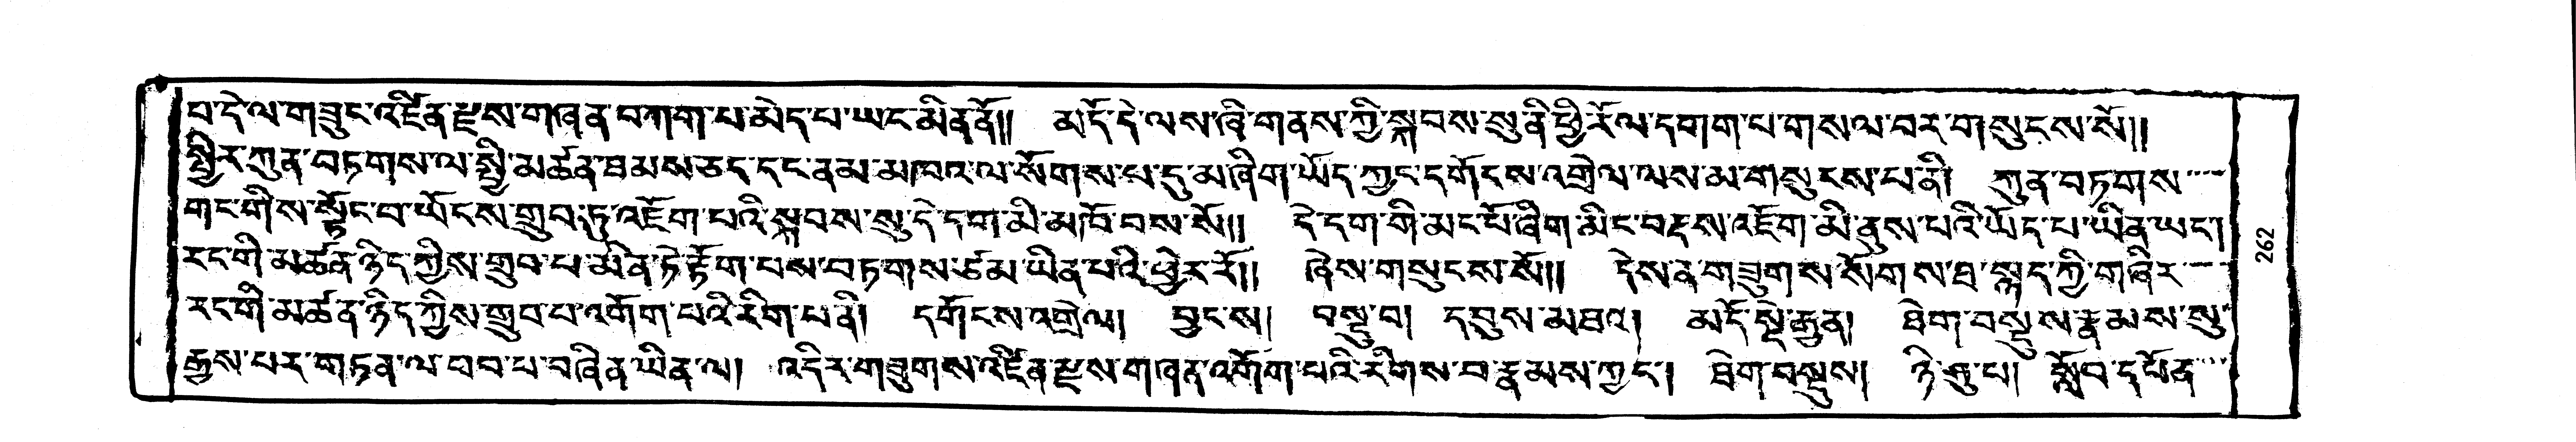བ་དེ་ལ་གཟུང་འཛིན་རྫས་གཞན་བཀག་པ་མེད་པ་ཡང་མིན་ནོ། །མདོ་དེ་ལས་ཞི་གནས་ཀྱི་སྐབས་སུ་ནི་ཕྱི་རོལ་དགག་པ་གསལ་བར་གསུངས་སོ། །
སྤྱིར་ཀུན་བཏགས་ལ་སྤྱི་མཚན་ཐམས་ཅད་དང་ནམ་མཁའ་ལ་སོགས་པ་དུ་མ་ཞིག་ཡོད་ཀྱང་དགོངས་འགྲེལ་ལས་མ་གསུངས་པ་ནི། ཀུན་བཏགས་
གང་གིས་སྟོང་བ་ཡོངས་གྲུབ་ཏུ་འཇོག་པའི་སྐབས་སུ་དེ་དག་མི་མཁོ་བས་སོ། །དེ་དག་གི་མང་པོ་ཞིག་མིང་བརྡས་འཇོག་མི་ནུས་པའི་ཡོད་པ་ཡིན་ཡང་།
རང་གི་མཚན་ཉིད་ཀྱིས་གྲུབ་པ་མིན་ཏེ་རྟོག་པས་བཏགས་ཙམ་ཡིན་པའི་ཕྱིར་རོ། །ཞེས་གསུངས་སོ། །དེས་ན་གཟུགས་སོགས་ཐ་སྙད་ཀྱི་གཞིར་
རང་གི་མཚན་ཉིད་ཀྱིས་གྲུབ་པ་འགོག་པའི་རིག་པ་ནི། དགོངས་འགྲེལ། བྱང་ས། བསྡུ་བ། དབུས་མཐའ། མདོ་སྡེ་རྒྱན། ཐེག་བསྡུས་རྣམས་སུ་
རྒྱས་པར་གཏན་ལ་བབ་པ་བཞིན་ཡིན་ལ། འདིར་གཟུགས་འཛིན་རྫས་གཞན་འགོག་པའི་རིགས་བ་རྣམས་ཀྱང་། ཐེག་བསྡུས། ཉི་ཤུ་བ། སློབ་དཔོན་